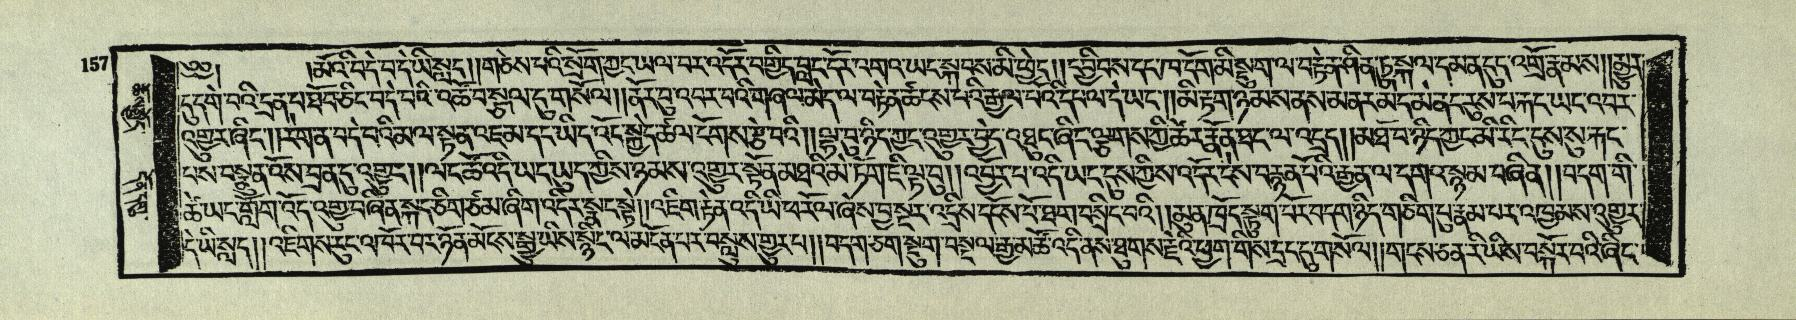༄༅། །མོའི་བདེ་བ་དེ་ཡི་སླད། །གཅེས་པའི་སྲོག་ཀྱང་ཡལ་བར་འདོར་བགྱིད་བླང་དོར་འགའ་ཡང་སྐབས་མི་ཕྱེད། །དབྱིབས་དང་ཁ་དོག་མི་སྡུག་ལ་བརྟེན་ཤིན་ཏུ་སྐལ་དམན་དུད་འགྲོ་རྣམས། །མྱུར་
དུ་དགེ་བའི་དྲན་པ་ཐོབ་ཅིང་བདེ་བའི་འཚོ་བ་སྩལ་དུ་གསོལ། །ནོར་བུ་འབར་བའི་གཞལ་མེད་ལ་བརྟེན་ཚངས་པའི་རྒྱལ་པོའི་དཔལ་དེ་ཡང་། །མི་རྟག་ཉམས་ནས་མནར་མེད་མེ་ནང་རུས་པ་རྐང་ཡང་འབར་
འགྱུར་ཞིང་། །རེག་ན་བདེ་བའི་མལ་སྟན་འཇམ་དང་ཡིད་འོང་སྐྱེད་ཚལ་ངོགས་རྩེ་བའི། །ལྷ་བུ་ཉིད་ཀྱང་འགྱུར་བྱེད་འཐུང་ཞིང་ལྕགས་ཀྱི་ཚེར་རྣོན་ཐང་ལ་འདྲད། །མཐོ་བ་ཉིད་ཀྱང་མི་རིང་དུས་སུ་རྐང་
པས་བསྣུན་འོས་བྲན་དུ་འགྱུར། །ལང་ཚོ་འདི་ཡང་ཡུད་ཀྱིས་ཉམས་འགྱུར་སྟོན་མཐའི་མེ་ཏོག་ཇི་ལྟ་བུ། །འབྱོར་པ་འདི་ཡང་དུས་ཀྱིས་འདོར་ངེས་བརྙན་པོའི་རྒྱན་ལ་དགའ་སྙམ་བཞིན། །བདག་གི་
ཚེ་ཡང་གློག་འོད་འགྱུ་བཞིན་སྐད་ཅིག་ཙམ་ཞིག་འདིར་སྣང་སྟེ། །འཇིག་རྟེན་འདི་ཡི་ཕ་རོལ་ཞེས་བྱ་སྔར་འདྲིས་དངོས་པོ་ཐག་བསྲིང་བའི། །མུན་ཁྲོད་སྟུག་པོར་བདག་ཉིད་གཅིག་པུ་རྣམ་པར་འཁྱམས་འགྱུར་
དེ་ཡི་སླད། །འཇིགས་རུང་འཁོར་བར་ཉོན་མོངས་སྒྱུ་ཡིས་སྙིང་ལ་མངོན་པར་བསླུས་གྱུར་པ། །བདག་ཅག་སྡུག་བསྔལ་རྒྱ་མཚོ་འདི་ནས་ཐུགས་རྗེའི་ཕྱག་གིས་དྲང་དུ་གསོལ། །གངས་ཅན་རི་ཡིས་བསྐོར་བའི་ཞིང་